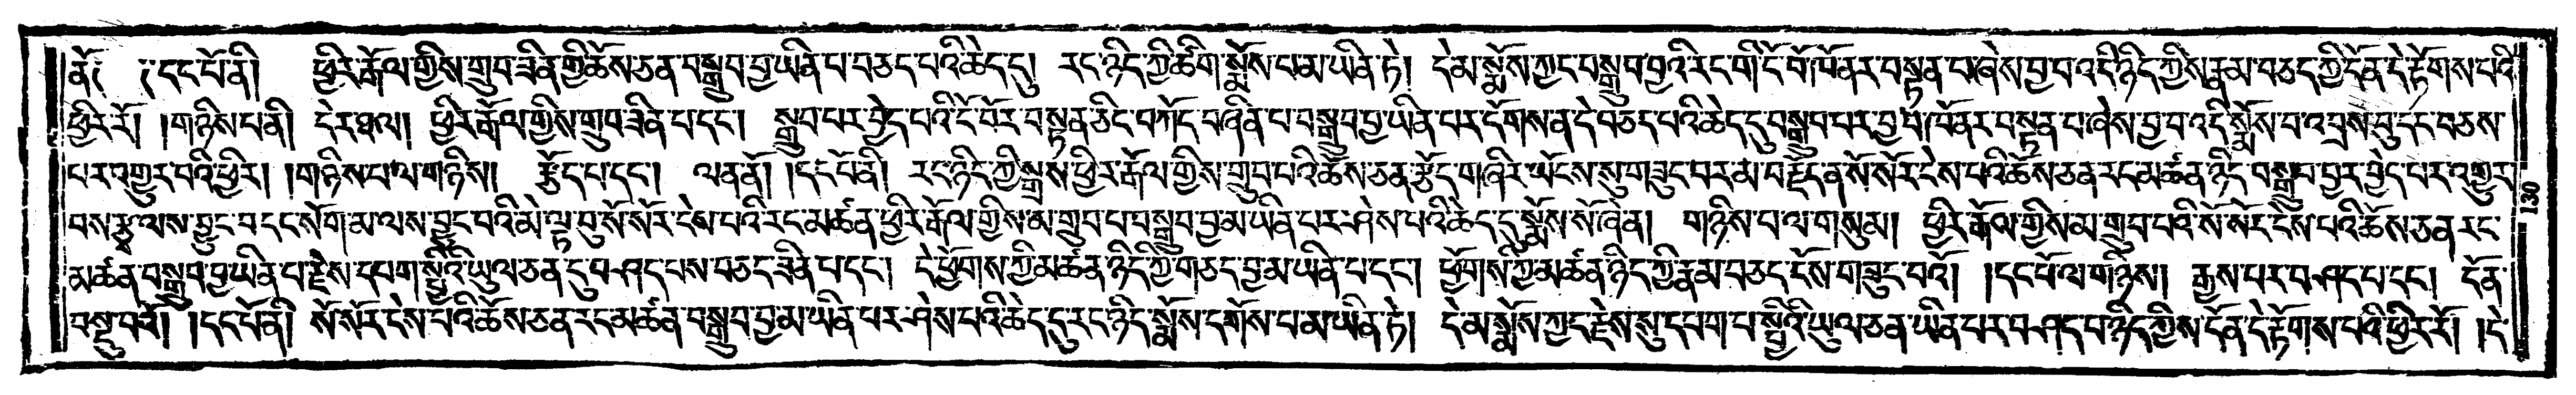ནོ༑ ༑དང་པོ་ནི། ཕྱིར་རྒོལ་གྱིས་གྲུབ་ཟིན་གྱི་ཆོས་ཅན་བསྒྲུབ་བྱ་ཡིན་པ་བཅད་པའི་ཆེད་དུ། རང་ཉིད་ཀྱི་ཚིག་སྨོས་པ་མ་ཡིན་ཏེ། དེ་མ་སྨོས་ཀྱང་བསྒྲུབ་བྱའི་རང་གི་ངོ་བོ་ཁོ་ནར་བསྟན་པ་ཞེས་བྱ་བ་འདི་ཉིད་ཀྱིས་རྣམ་བཅད་ཀྱི་དོན་དེ་རྟོགས་པའི་
ཕྱིར་རོ། །གཉིས་པ་ནི། དེར་ཐལ། ཕྱིར་རྒོལ་གྱིས་གྲུབ་ཟིན་པ་དང་། སྒྲུབ་པར་བྱེད་པའི་ངོ་བོར་བསྟན་ཅིང་བཀོད་བཞིན་པ་བསྒྲུབ་བྱ་ཡིན་པར་དོགས་ན་དེ་བཅད་པའི་ཆེད་དུ་བསྒྲུབ་པར་བྱ་བ་ཁོ་ནར་བསྟན་པ་ཞེས་བྱ་བ་འདི་སྨོས་པ་འབྲས་བུ་དང་བཅས་
བར་འགྱུར་བའི་ཕྱིར། །གཉིས་པ་ལ་གཉིས། རྩོད་པ་དང་། ལན་ནོ། །དང་པོ་ནི། རང་ཉིད་ཀྱི་སྒྲས་ཕྱིར་རྒོལ་གྱིས་གྲུབ་པའི་ཆོས་ཅན་རྩོད་གཞིར་ཡོངས་སུ་གཟུང་བར་མ་བརྗོད་ན་སོ་སོར་ངེས་པའི་ཆོས་ཅན་རང་མཚན་ཉིད་བསྒྲུབ་བྱར་བྱེད་པར་འགྱུར་
བས་རྩྭ་ལས་བྱུང་བ་དང་སོག་མ་ལས་བྱུང་བའི་མེ་ལྟ་བུ་སོ་སོར་ངེས་པའི་རང་མཚན་ཕྱིར་རྒོལ་གྱིས་མ་གྲུབ་པ་བསྒྲུབ་བྱ་མ་ཡིན་པར་ཤེས་པའི་ཆེད་དུ་སྨོས་སོ་ཞེ་ན། གཉིས་པ་ལ་གསུམ། ཕྱིར་རྒོལ་གྱིས་མ་གྲུབ་པའི་སོ་སོར་ངེས་པའི་ཆོས་ཅན་རང་
མཚན་བསྒྲུབ་བྱ་ཡིན་པ་རྗེས་དཔག་སྤྱིའི་ཡུལ་ཅན་དུ་བཤད་པས་བཅད་ཟིན་པ་དང་། དེ་ཕྱོགས་ཀྱི་མཚན་ཉིད་ཀྱི་གཅད་བྱ་མ་ཡིན་པ་དང་། ཕྱོགས་ཀྱི་མཚན་ཉིད་ཀྱི་རྣམ་བཅད་ངོས་གཟུང་བའོ། །དང་པོ་ལ་གཉིས། རྒྱས་པར་བཤད་པ་དང་། དོན་
བསྡུ་བའོ། །དང་པོ་ནི། སོ་སོར་ངེས་པའི་ཆོས་ཅན་རང་མཚན་བསྒྲུབ་བྱ་མ་ཡིན་པར་ཤེས་པའི་ཆེད་དུ་རང་ཉིད་སྨོས་དགོས་པ་མ་ཡིན་ཏེ། དེ་མ་སྨོས་ཀྱང་རྗེས་སུ་དཔག་པ་སྤྱིའི་ཡུལ་ཅན་ཡིན་པར་བཤད་པ་ཉིད་ཀྱིས་དོན་དེ་རྟོགས་པའི་ཕྱིར་རོ། །དེ་